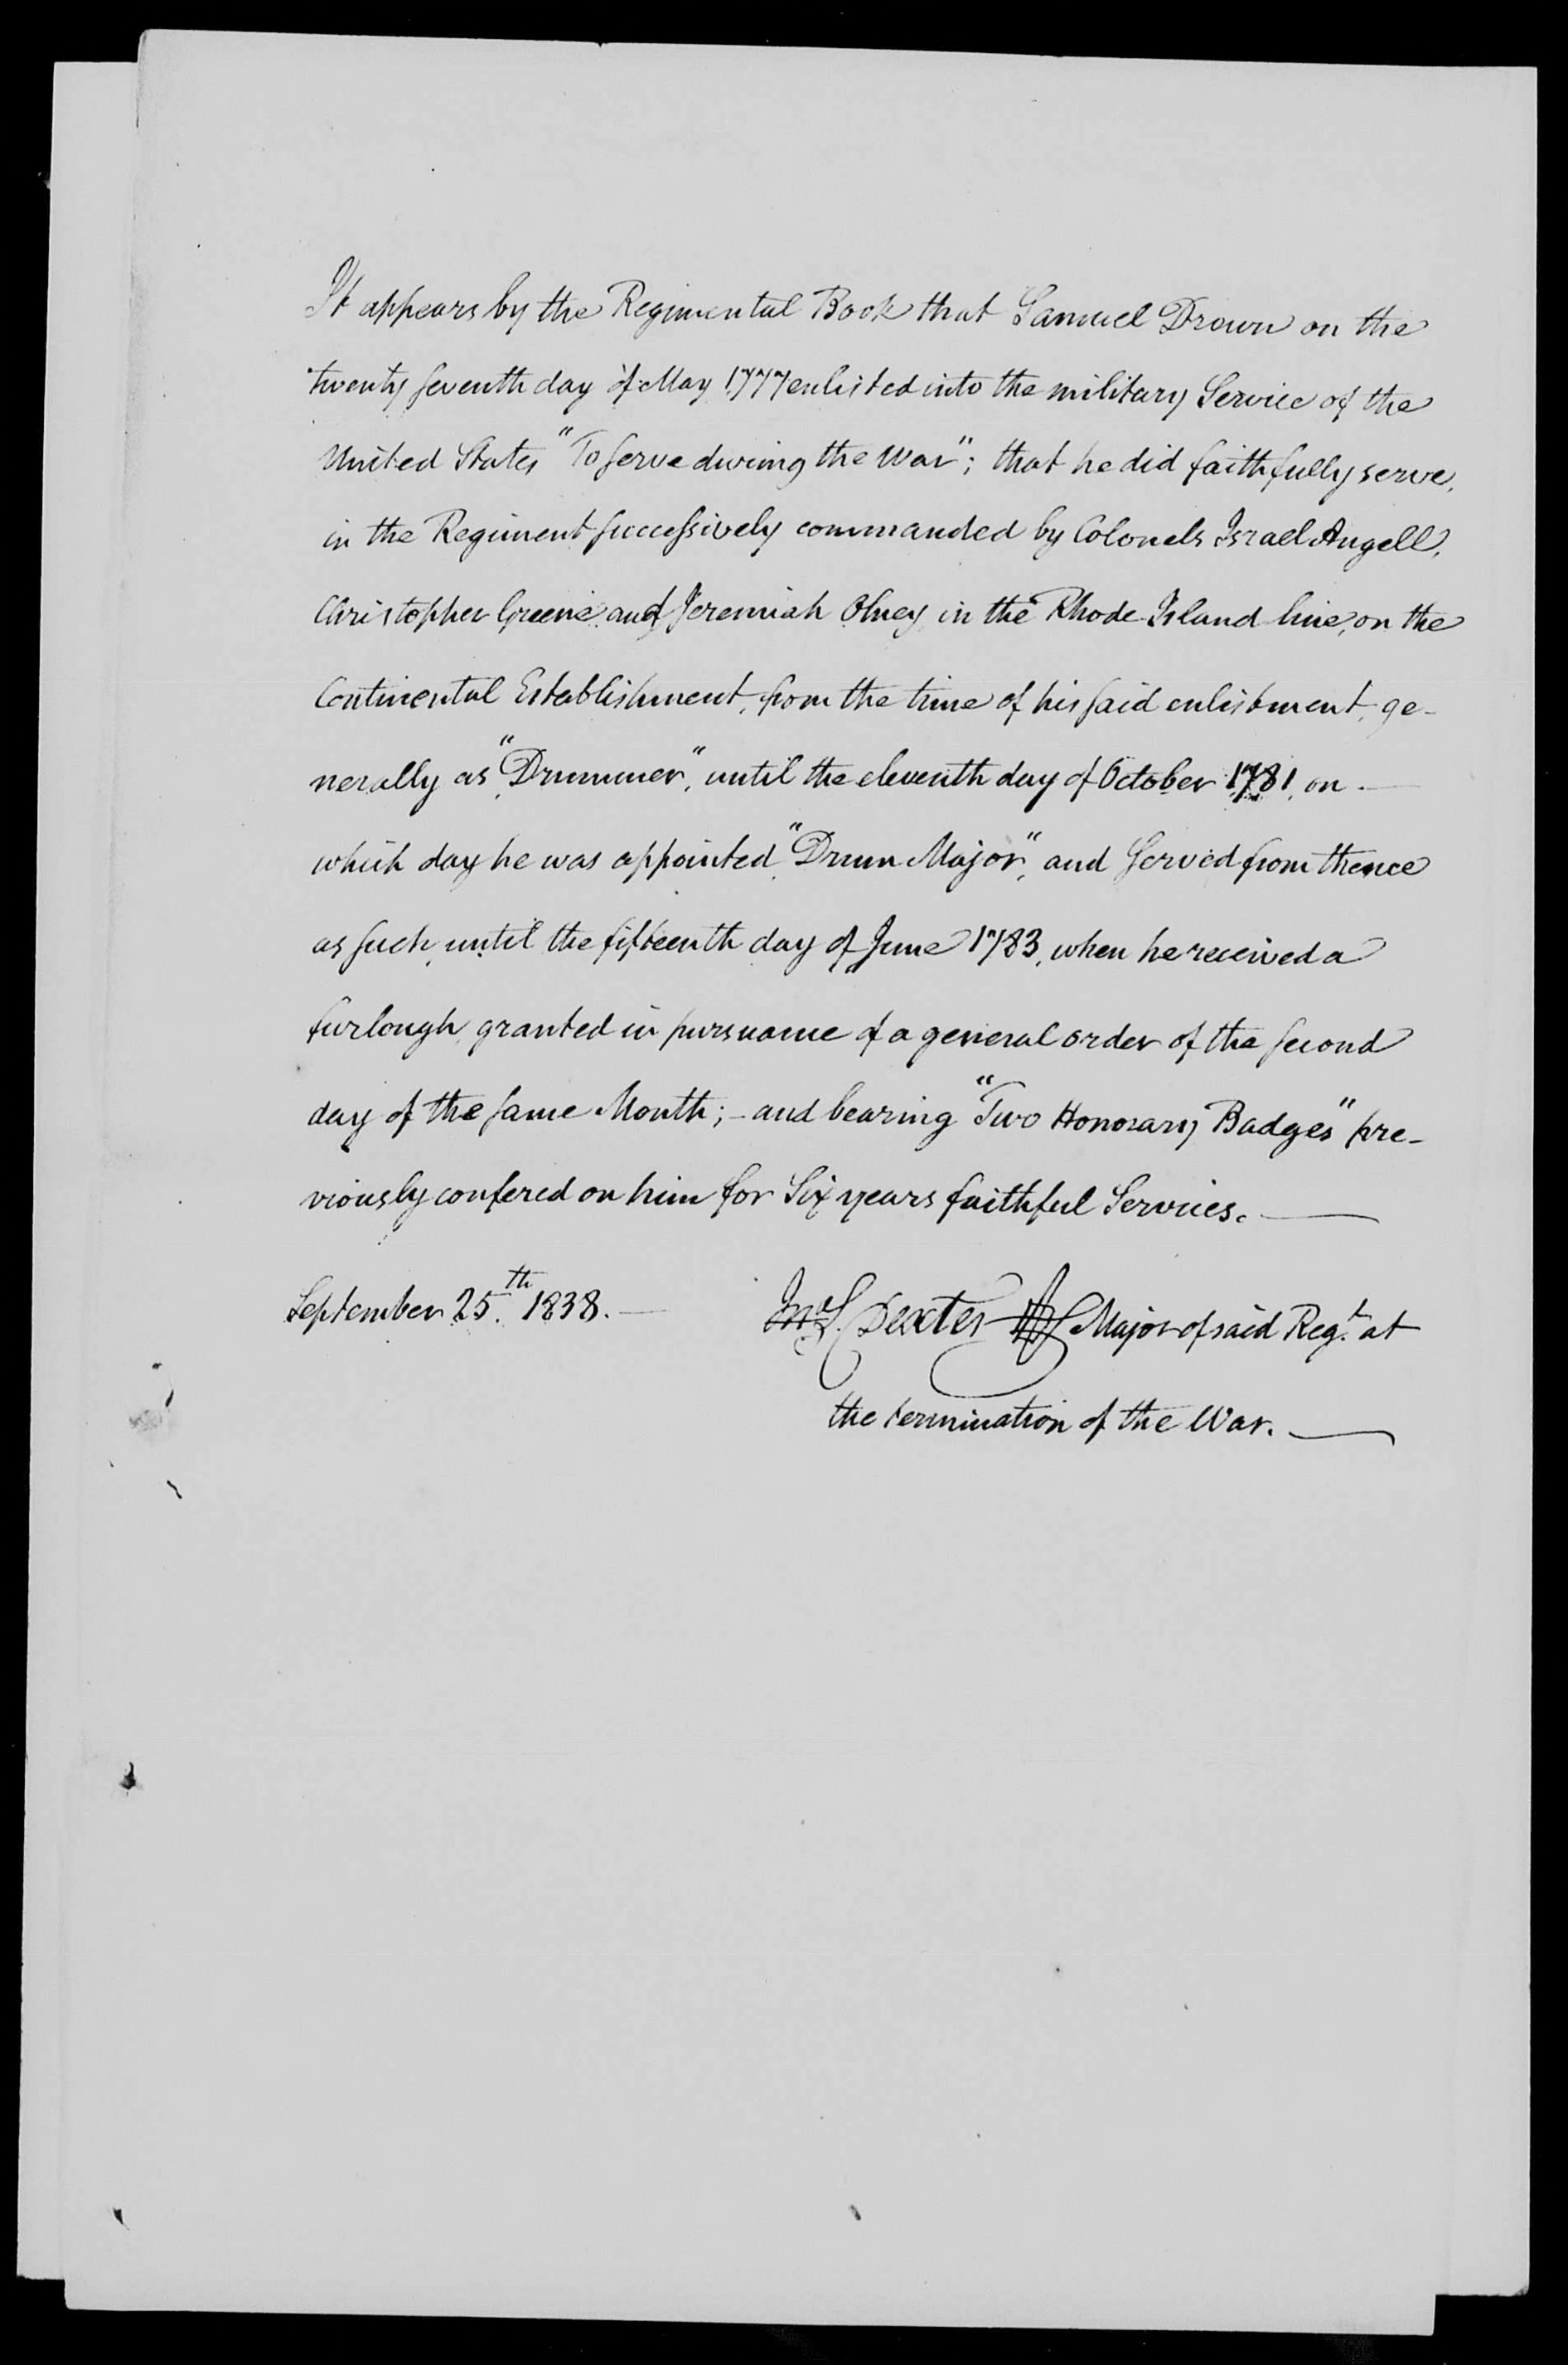It appears by the Regimental Book that Samuel Drown on the twenty seventh day of May 1777 enlisted into the military Service of the
United States "To serve during the war"; that he did faithfully serve in the Regiment successively commanded by Colonels Israel Angell,
Christopher Greene and Jeremiah Olney in the Rhode Island line, on the Continental Establishment, from the time of his said enlistment, generally as "Drummer," until the eleventh day of October 1781, on which day he was appointed "Drum Major," and served from thence as such until the fifteenth day of June 1783, when he received a furlough granted in pursuance of a general order of the second
day of the same month; - and bearing "Two Honorary Badges" previously
confered on him for six years faithful services.-

September 25th 1838. -
Gnrl Dexter Major of said Regt at
the termination of the war. -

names: Jno L Dexter, Christopher Greene, Israel Angell, Samuel Drown, Jeremiah Olney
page: 21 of 31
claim: widow's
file: W 21004, Samuel Drown, R.I.